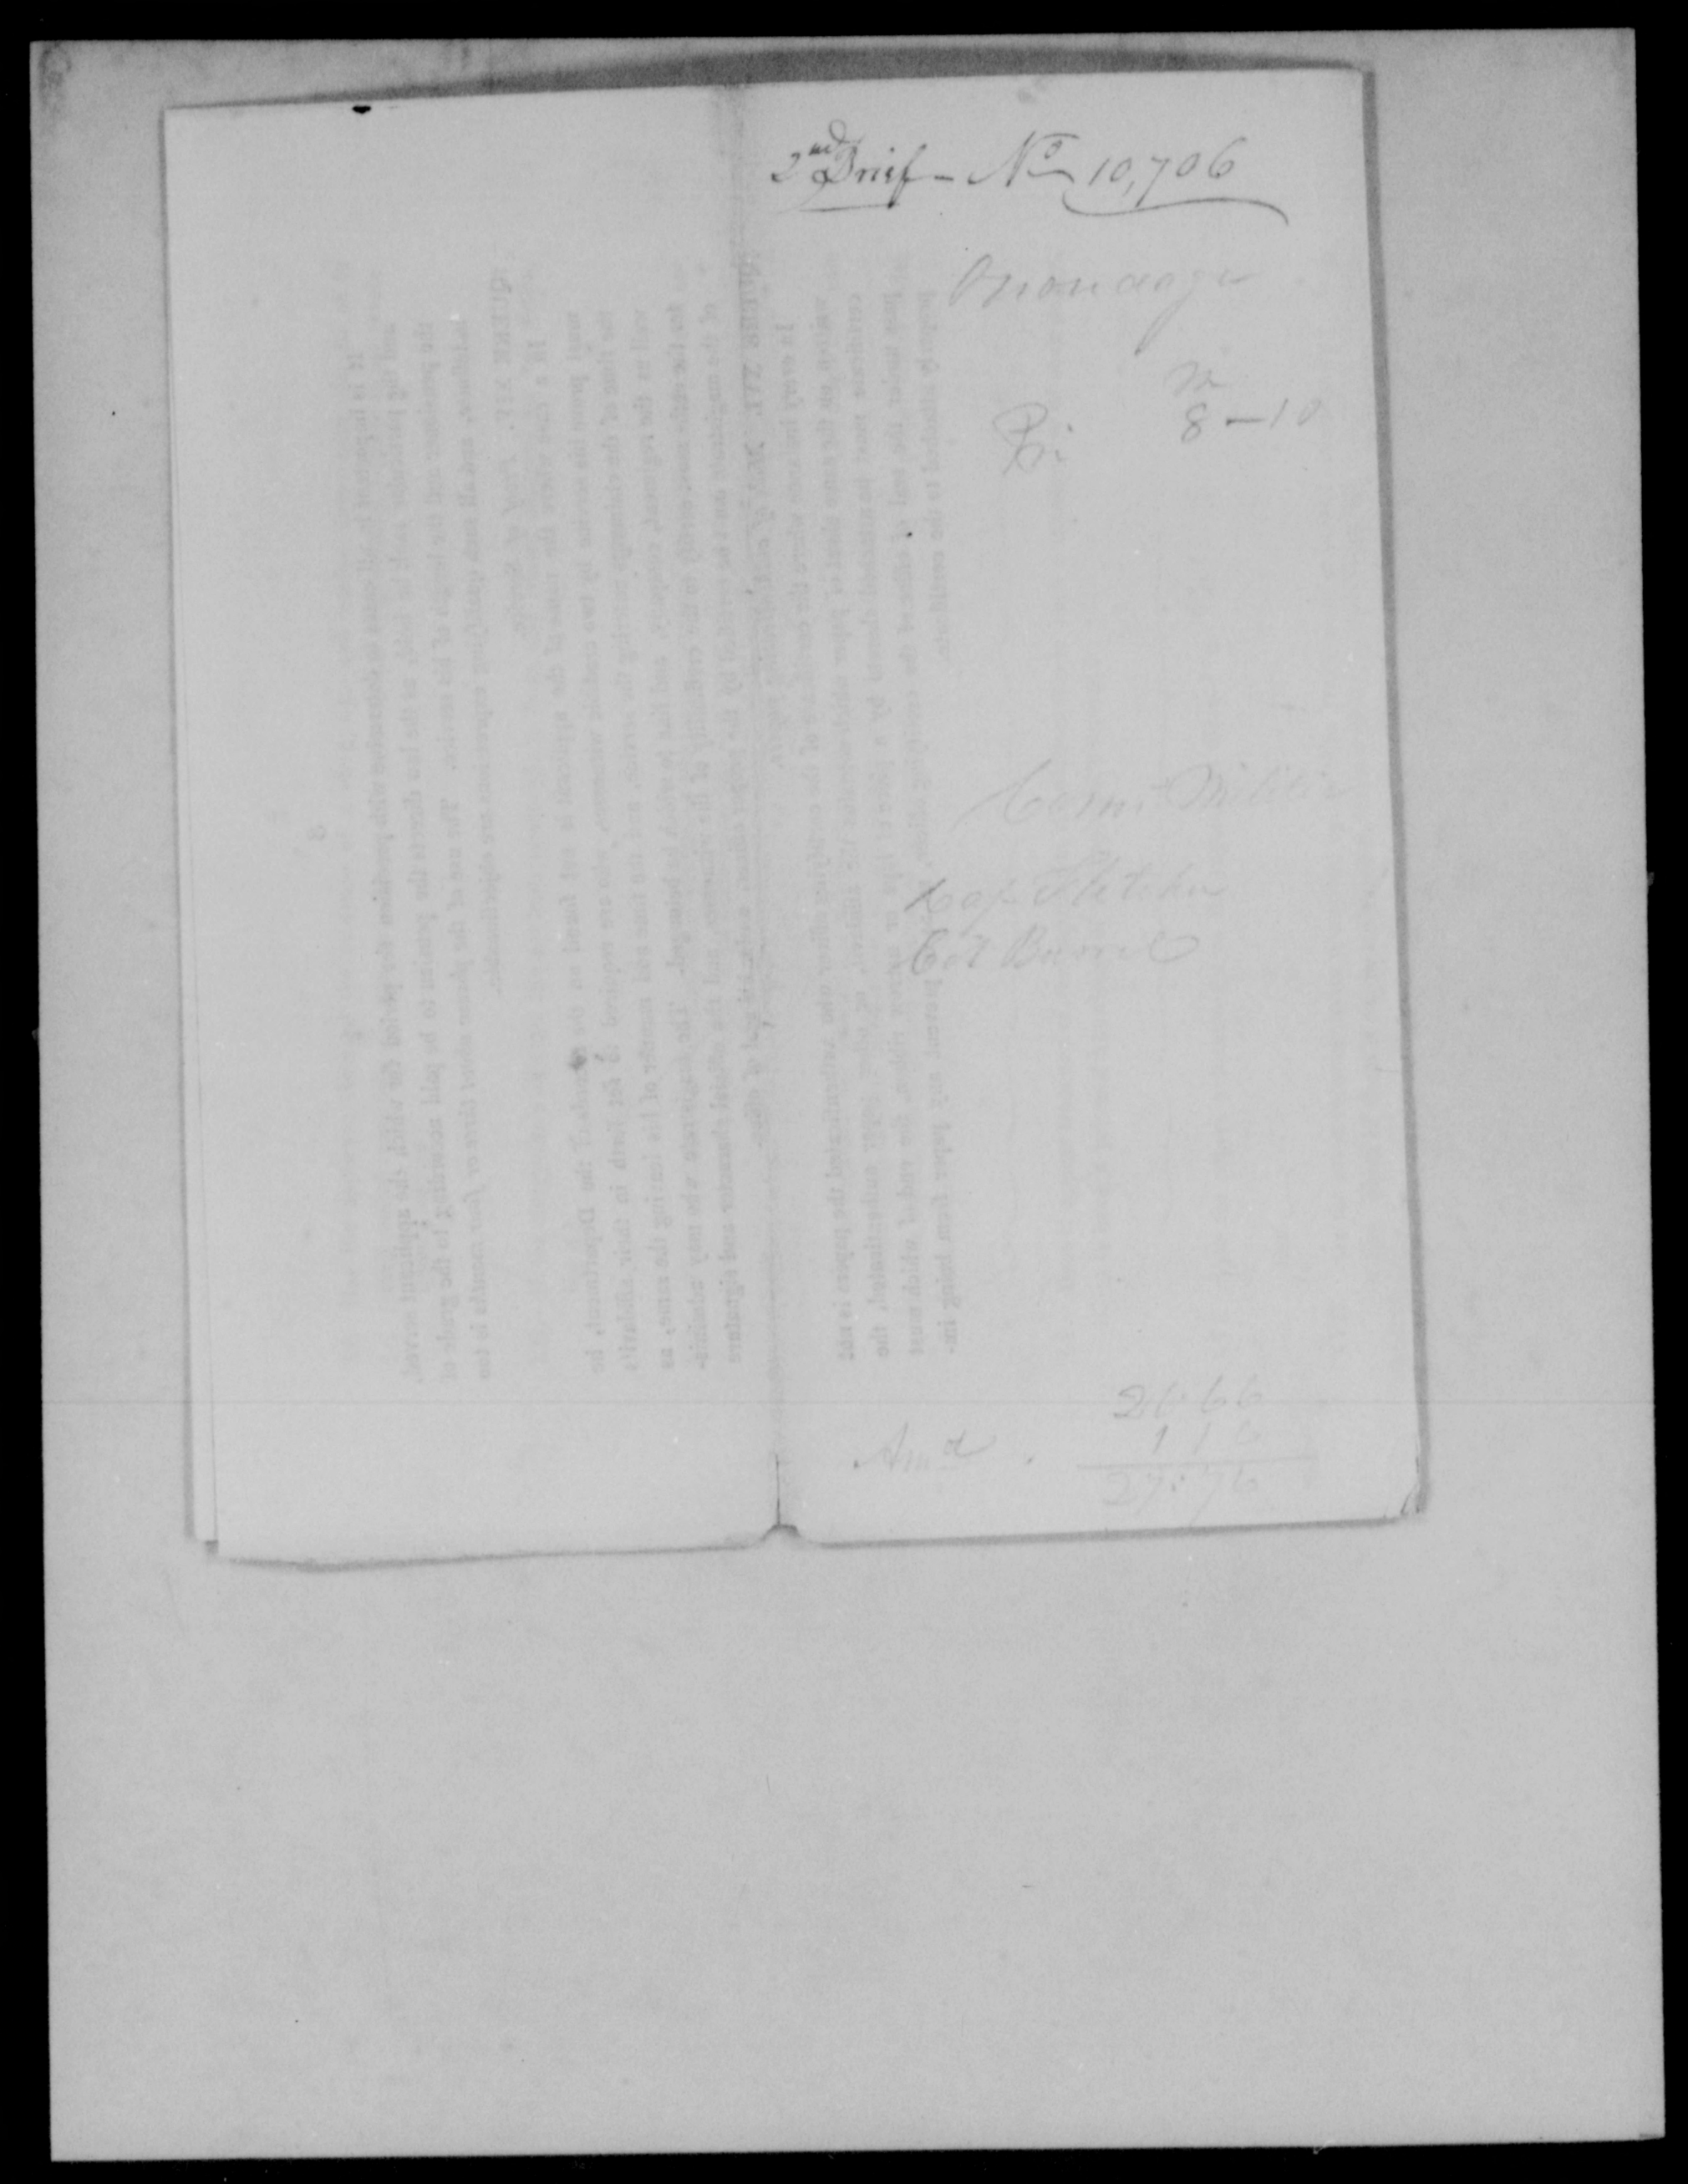2nd Brief--No 10,706

Onondaga

Poi W
8-10

Conn. Militia

R of Fletcher

Col Burell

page: 53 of 63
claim: widow's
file: W. 18403, David White, Conn.